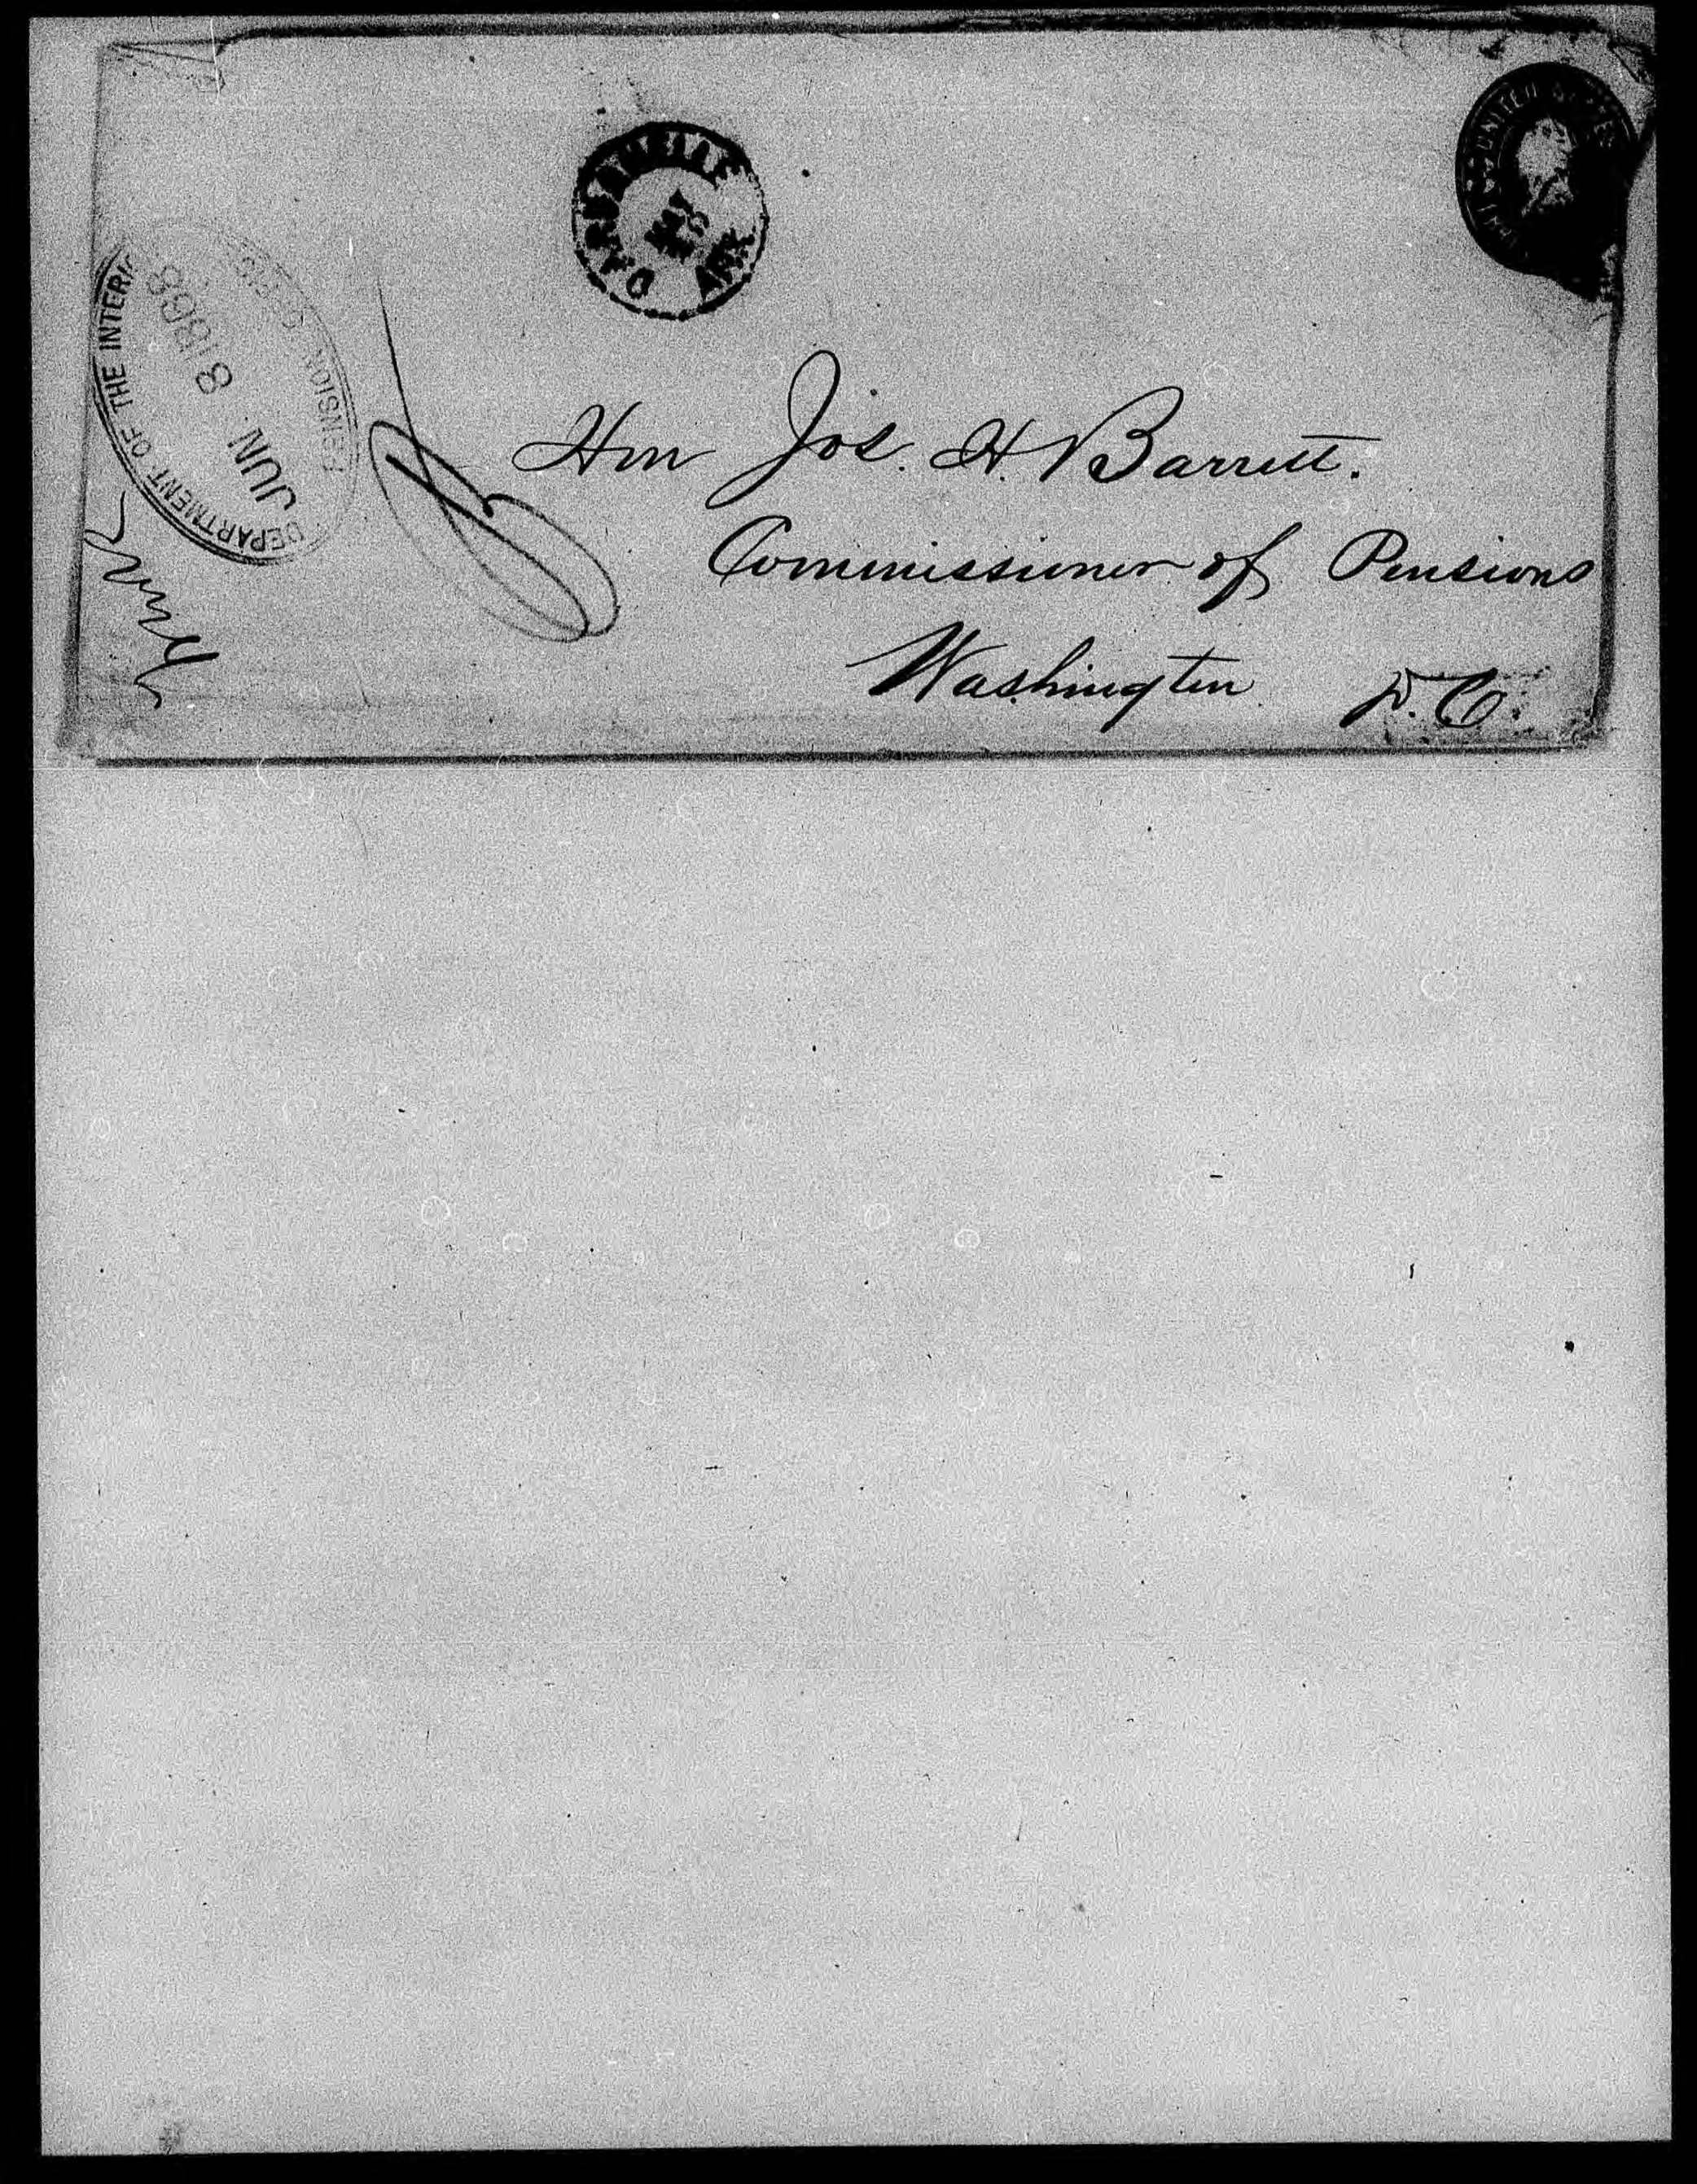[postage stamp illegible]

[postal stamp]
[illegible]
MAY
[illegible]
Ark

Hon Jos. H. Barrett
Commissioner of Pensions
Washington
D. C.

[stamp]
DEPARTMENT OF THE INTERIOR
JUN 8 1868
PENSION OFFICE

[illegible]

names: Jos H Barrett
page: 55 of 115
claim: widow's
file: W. 1446, for John Mc Clung, South Carolina